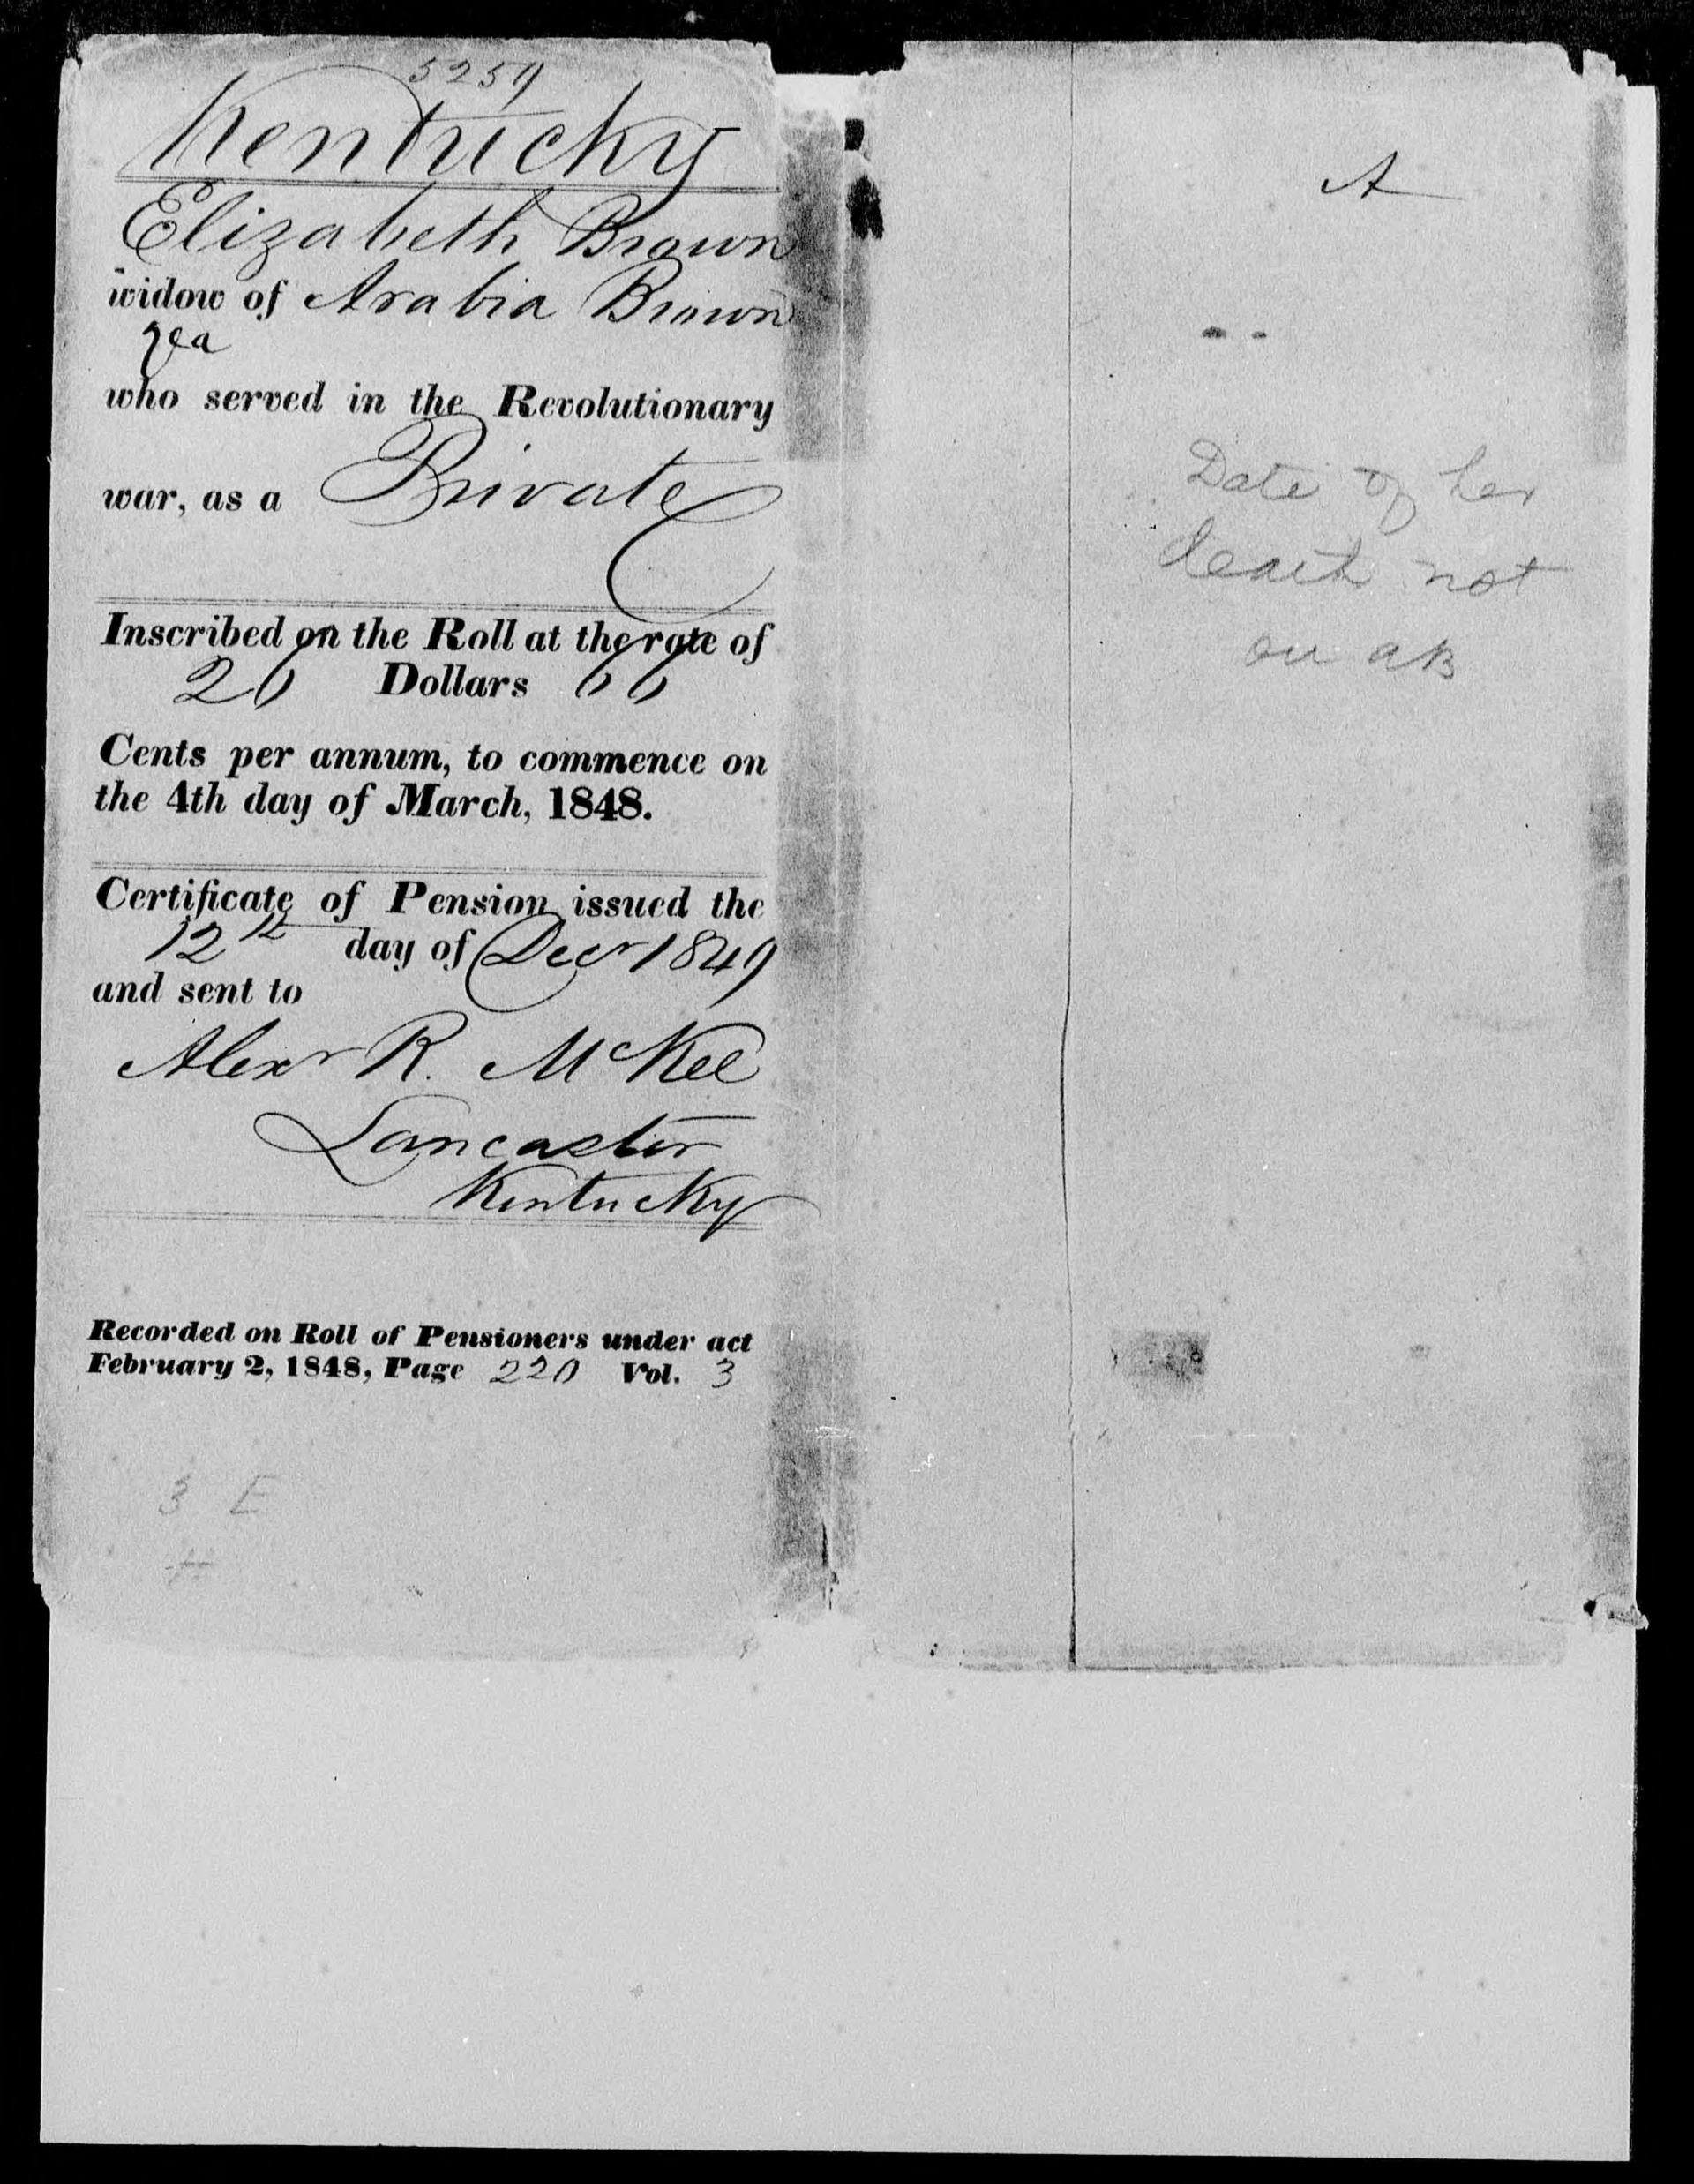5259
Kentucky
Elizabeth Brown
widow of Arabia Brown, Va who served in the Revolutionary war, as a Private
Inscribed on the Roll at the rate of 26 Dollars 66 Cents per annum, to commence on the 4th day of March 1848.
Certificate of Pension issued the 12th day of Dec 1849 and sent to Alex R. McKee Lancaster Kentucky
Recorded on Roll of Pensioners under act February 2, 1848, Page 220 Vol. 3
3 E H
A
Date of her death not ou aV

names: Elizabeth Brown, Alexr R Mc Kee, Arabia Brown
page: 3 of 65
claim: widow's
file: W. 8384, Arabia Brown, Va.